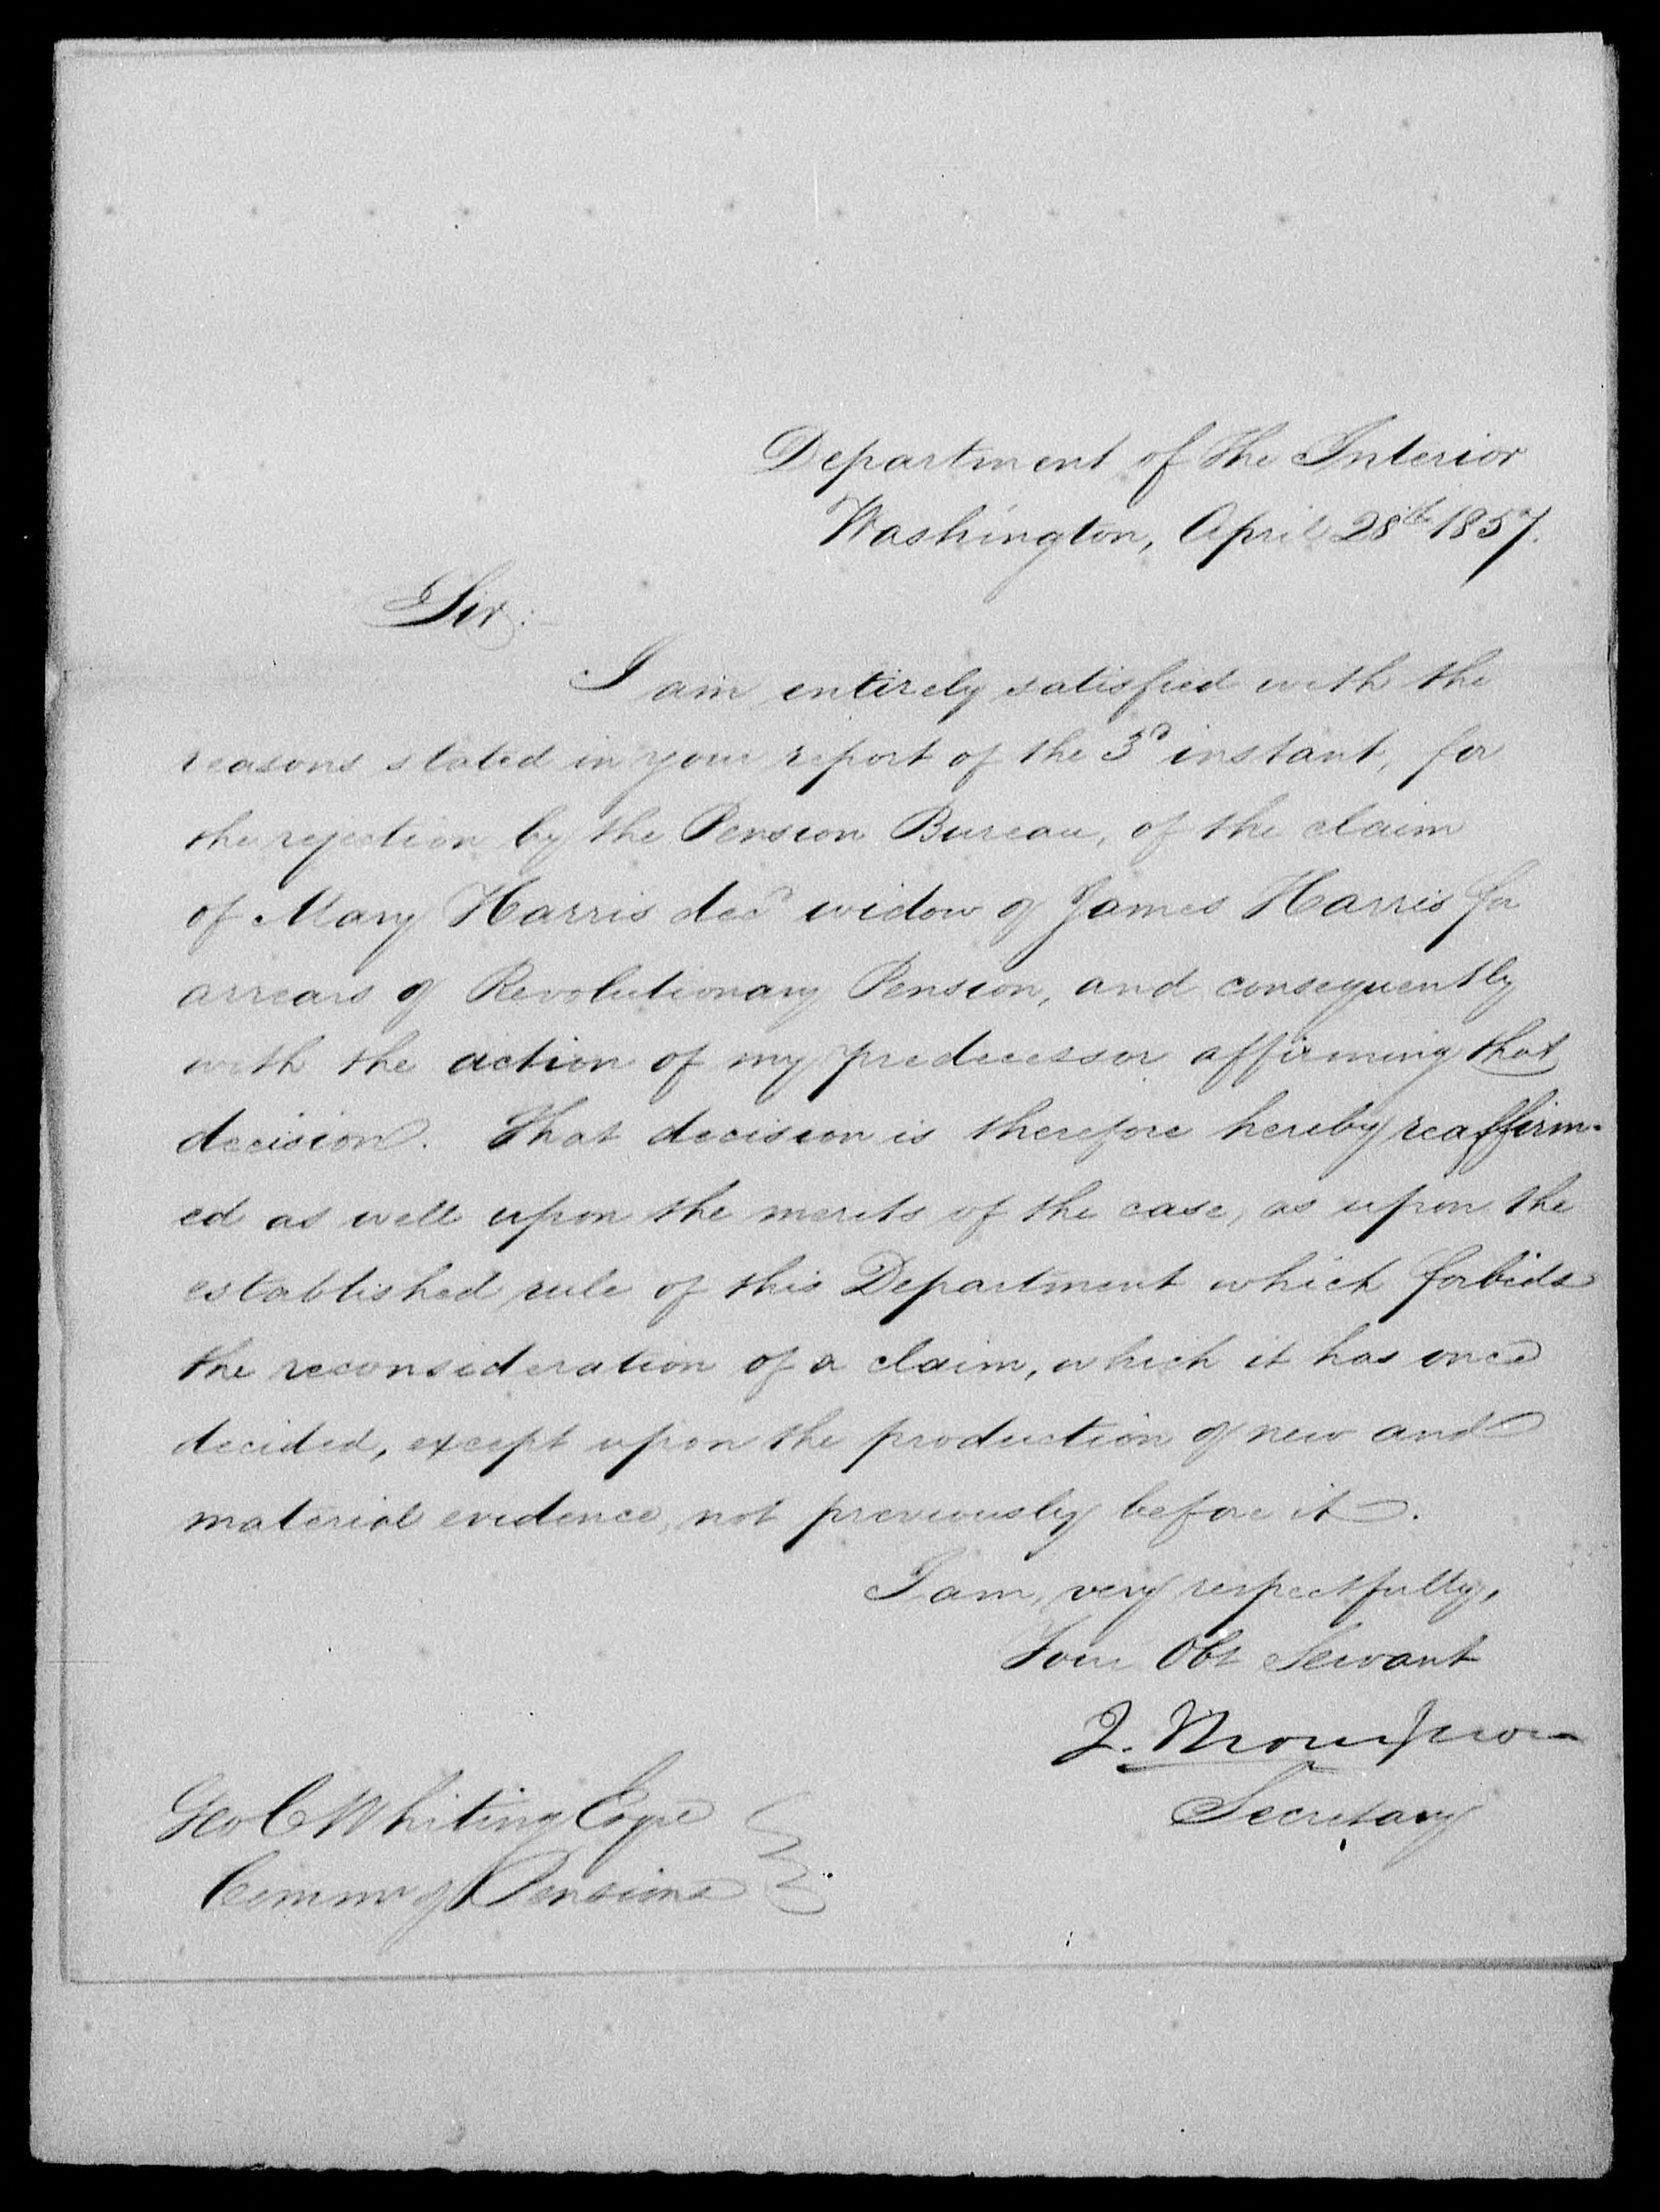Department of the Interior
Washington, April 28th 1857

Sir,
I am entirely satisfied with the reasons stated in your report of the 3rd instant, for the rejection by the Pensions Bureau, of the claim of Mary Harris decd widow of James Harris for arrears of Revolutionary Pension, and consequently with the action of my predecessor affirming that decision.  That decision is therefore hereby reaffirmed as well upon the merits of the case, as upon the established rule of this Department which forbids the reconsideration of a claim which it has once decided, except upon the production of new and material evidence not previously before it.
I am very respectfully,
Your Obt Servant
J. Thompson
Secretary

Geo C Whiting Esqr
Commr of Pensions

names: J Thompson, Mary Harris, James Harris, Geo C Whiting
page: 94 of 160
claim: rejected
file: R. 4666, James Harris, Va.